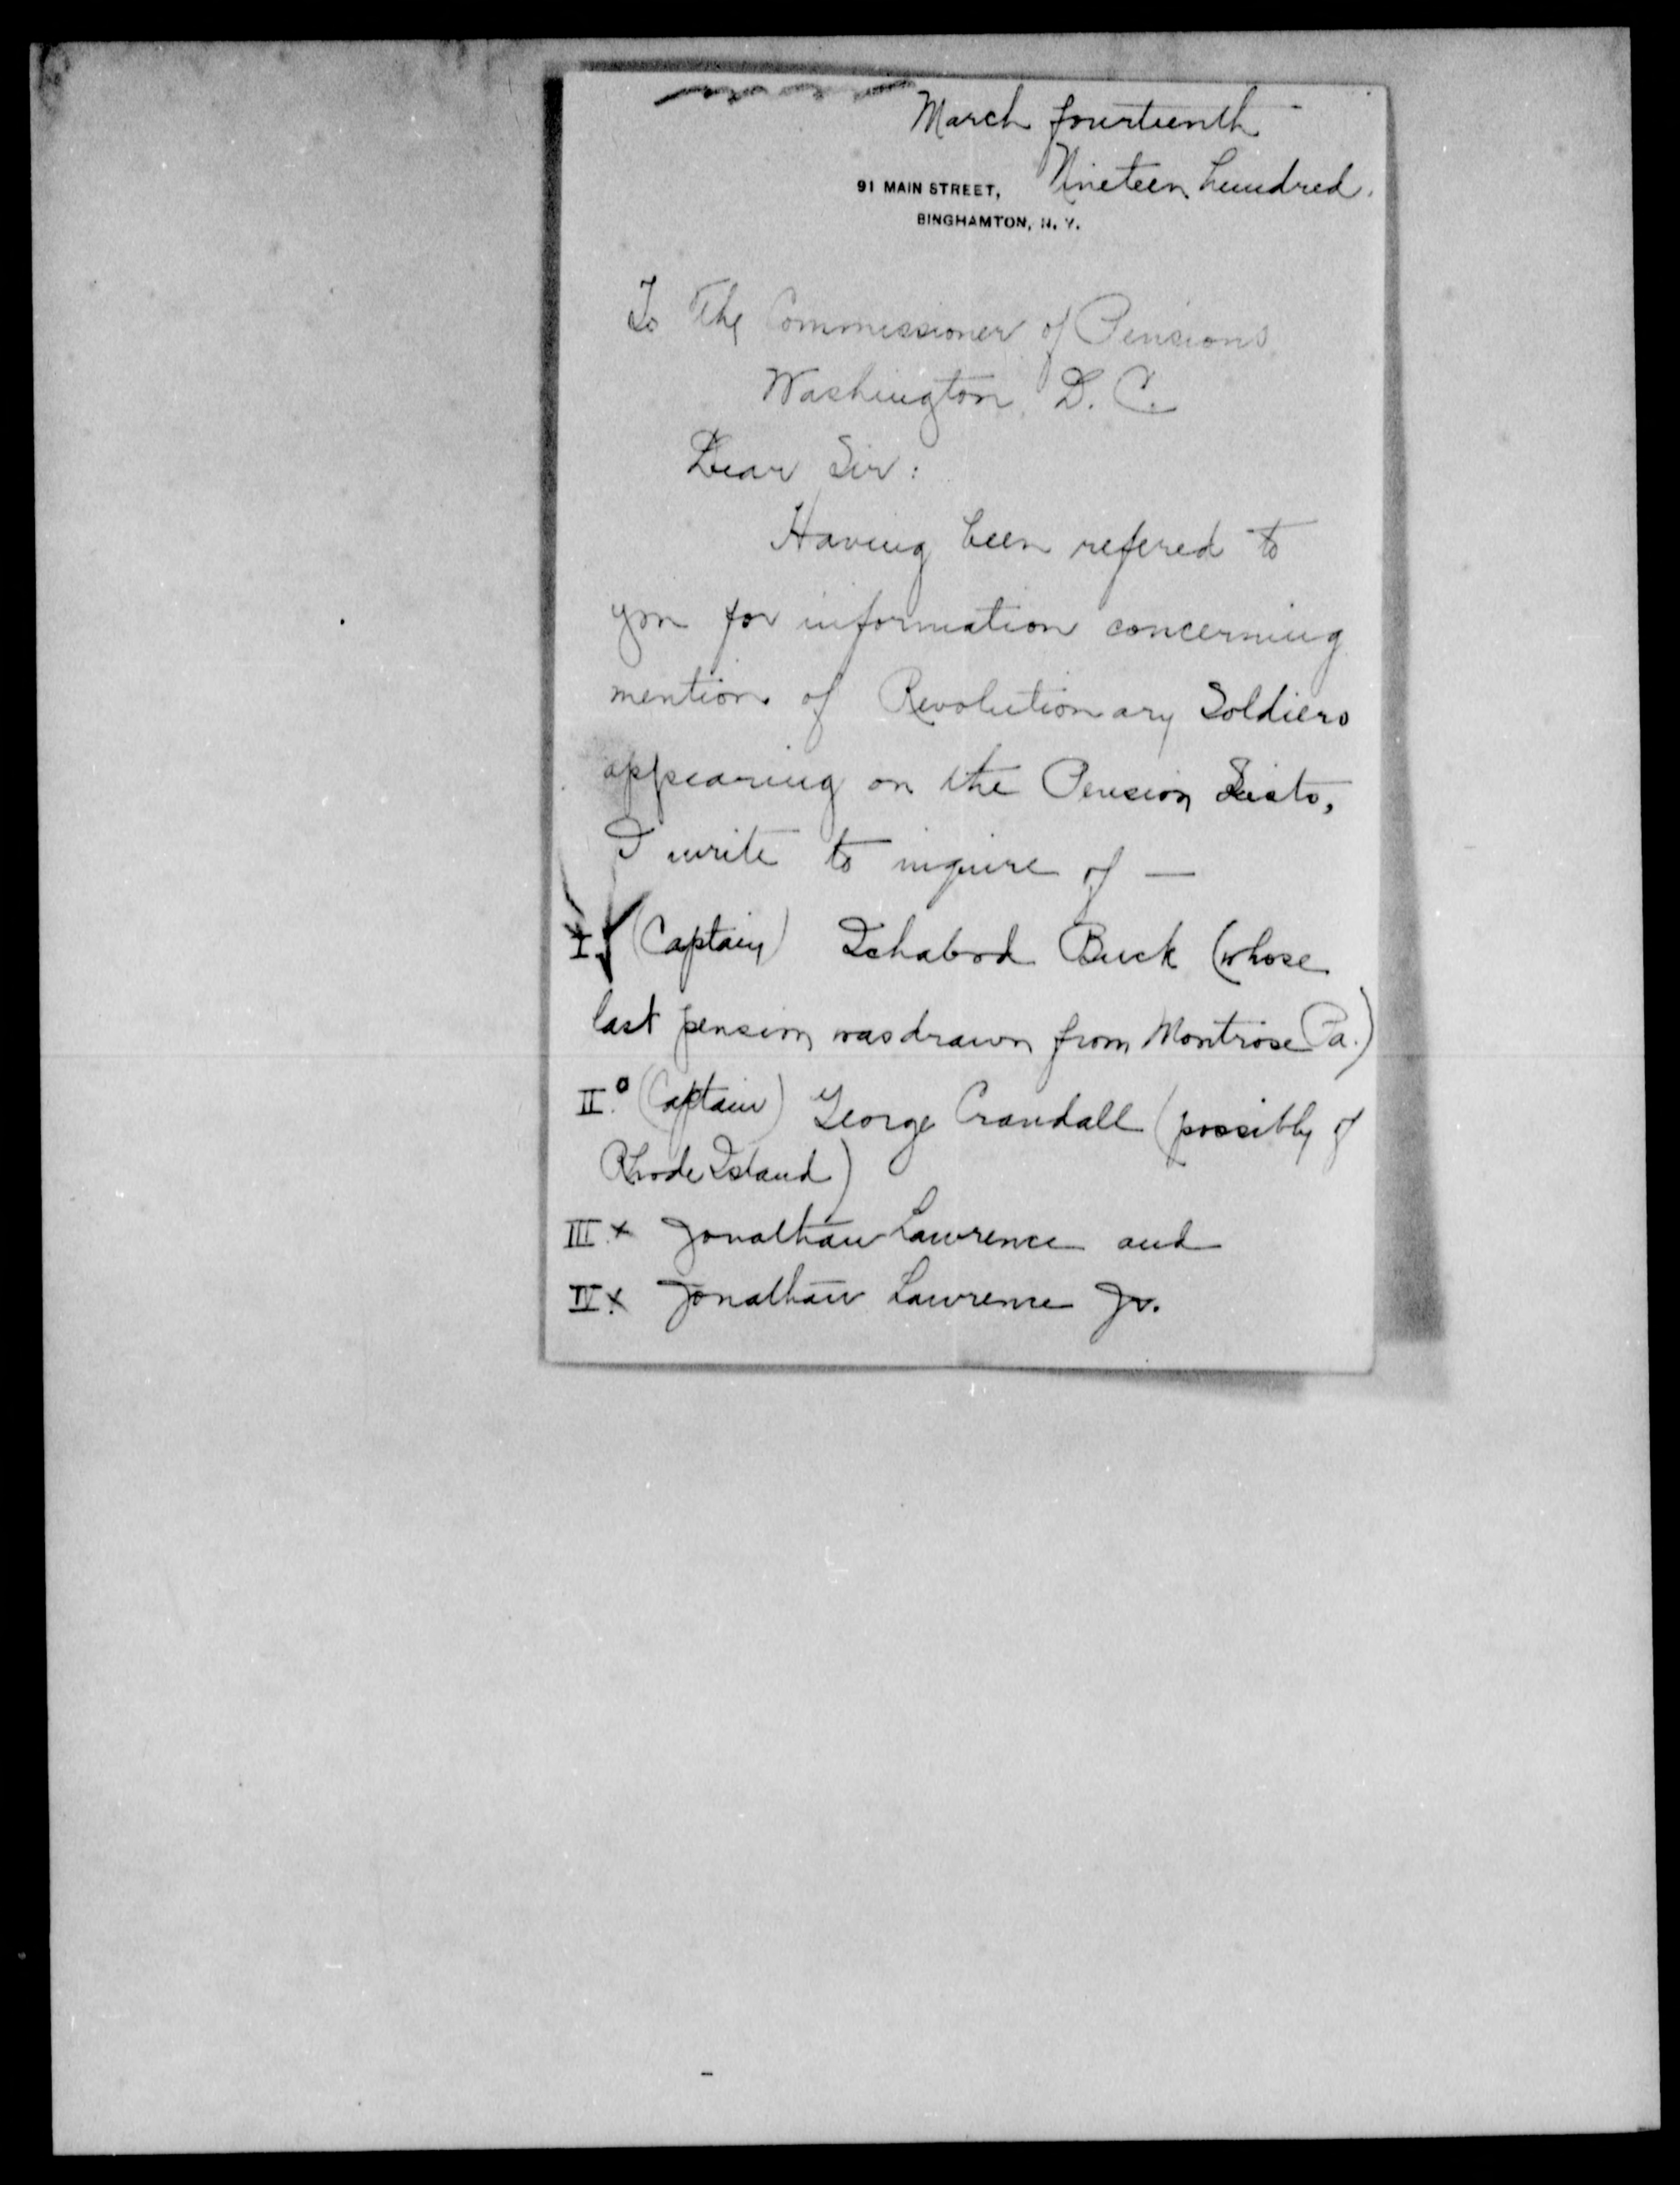March fourteenth, Nineteen hundred
91 Main Street
Binghamton, N. Y.

To the Commissioner of Pensions
Washington, D. C. 

Dear Sir:
Having been refered to you for information concerning mention of Revolutionary Soldiers appearing on the Pension Lists, I write to inquire of 
 I. (Captain) Ichabod Buck (whose last pension was drawn from Montrose Pa.)
II. (Captain) George Crandall (possibly of Rhode Island)
III. Jonathan Lawrence and 
IV. Jonathan Lawrence Jr.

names: Ichabod Buck, Jonathan Lawrence, George Crandall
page: 51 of 98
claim: widow's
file: W. 1682, Valentine Wheeler, Mass.